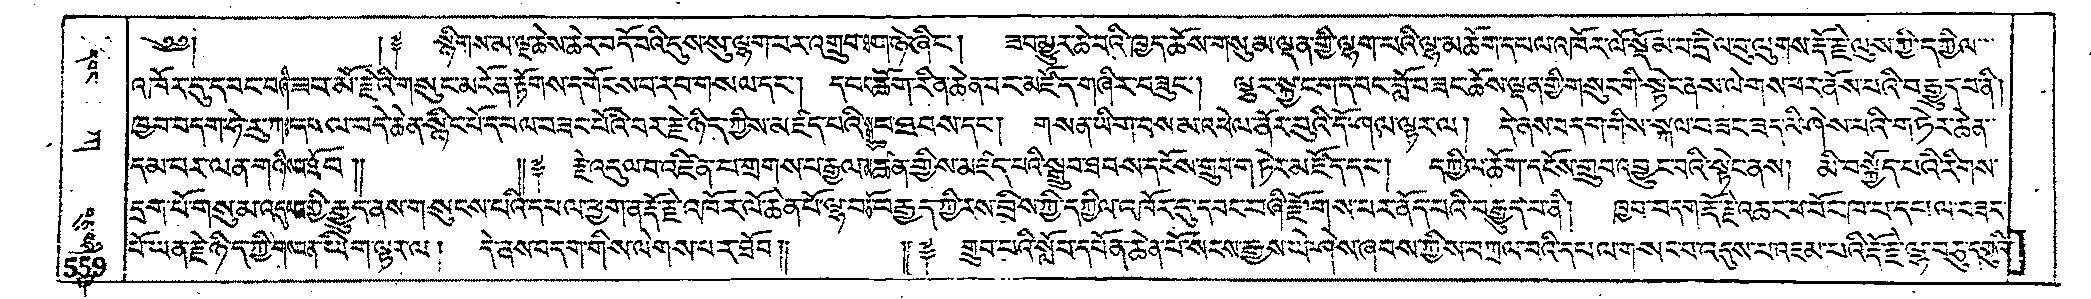༄༅། ། འ་སྙིགས་མ་ལྔ་ཆེས་ཆེར་བདོ་བའི་དུས་སུ་ལྷག་པར་འགྲུབ་ཐག་ཉེ་ཞིང་། ཟབ་མྱུར་ཆེ་བའི་ཁྱད་ཆོས་གསུམ་ལྡན་གྱི་ལྷག་པའི་ལྷ་མཆོག་དཔལ་འཁོར་ལོ་སྡོམ་པ་དྲིལ་བུ་ལུགས་རྡོ་རྗེ་ལུས་ཀྱི་དཀྱིལ་
འཁོར་དུ་དབང་བཞི་ཟབ་མོ་རྗེའི་གསུང་མངོན་རྟོགས་དགོངས་པར་རབ་གསལ་དང་། དབང་ཆོག་རིན་ཆེན་དབང་མཛོད་གཞིར་གཟུང་། ལྕང་སྐྱ་ངག་དབང་བློ་བཟང་ཆོས་ལྡན་གྱི་གསུང་གི་སྟེང་ནས་ལེགས་ཕར་ནོས་པའི་བརྒྱུད་པ་ནི།
ཁྱབ་བདག་ཧེ་རུ་ཀ༑ དཔལ་བདེ་ཆེན་སྙིང་པོ་དཔལ་བཟང་པོའི་བར་རྗེ་ཉིད་ཀྱིས་མཛད་པའི་སྒྲུབ་ཐབས་དང་། གསན་ཡིག་བསམ་འཕེལ་ནོར་བུའི་དོ་ཤལ་ལྟར་ལ། དེ་ནས་བདག་གིས་སྐལ་བཟང་ཟད་མི་ཤེས་པའི་གཏེར་ཆེན་
དམ་པར་ལན་གཉིས་ཐོབ།། །། འ་རྗེ་འདུལ་བ་འཛིན་པ་གྲགས་པ་རྒྱལ་མཚན་གྱིས་མཛད་པའི་སྒྲུབ་ཐབས་དངོས་གྲུབ་གཏེར་མཛོད་དང་། དཀྱིལ་ཆོག་དངོས་གྲུབ་འབྱུང་བའི་སྟེང་ནས། མི་བསྐྱོད་པའི་རིགས་
དྲག་པོ་གསུམ་འདུལ་གྱི་རྒྱུད་ནས་གསུངས་པའི་དཔལ་ཕྱག་ན་རྡོ་རྗེ་འཁོར་ལོ་ཆེན་པོ་ལྷ་བཅོ་བརྒྱད་ཀྱི་རས་བྲིས་ཀྱི་དཀྱིལ་འཁོར་དུ་དབང་བཞི་རྫོགས་པར་ནོད་པའི་བརྒྱུད་པ་ནི། ཁྱབ་བདག་རྡོ་རྗེ་འཆང་ཕ་བོང་ཁ་པ་དཔལ་བཟང་
པོ་ཡན་རྗེ་ཉིད་ཀྱི་གསན་ཡིག་ལྟར་ལ། དེ་ནས་བདག་གིས་ལེགས་པར་ཐོབ།། །། འ་གྲུབ་པའི་སློབ་དཔོན་ཆེན་པོ་སངས་རྒྱས་ཡེ་ཤེས་ཞབས་ཀྱིས་བཀྲལ་བའི་དཔལ་གསང་བ་འདུས་པ་འཇམ་པའི་རྡོ་རྗེ་ལྷ་བཅུ་དགུའི་